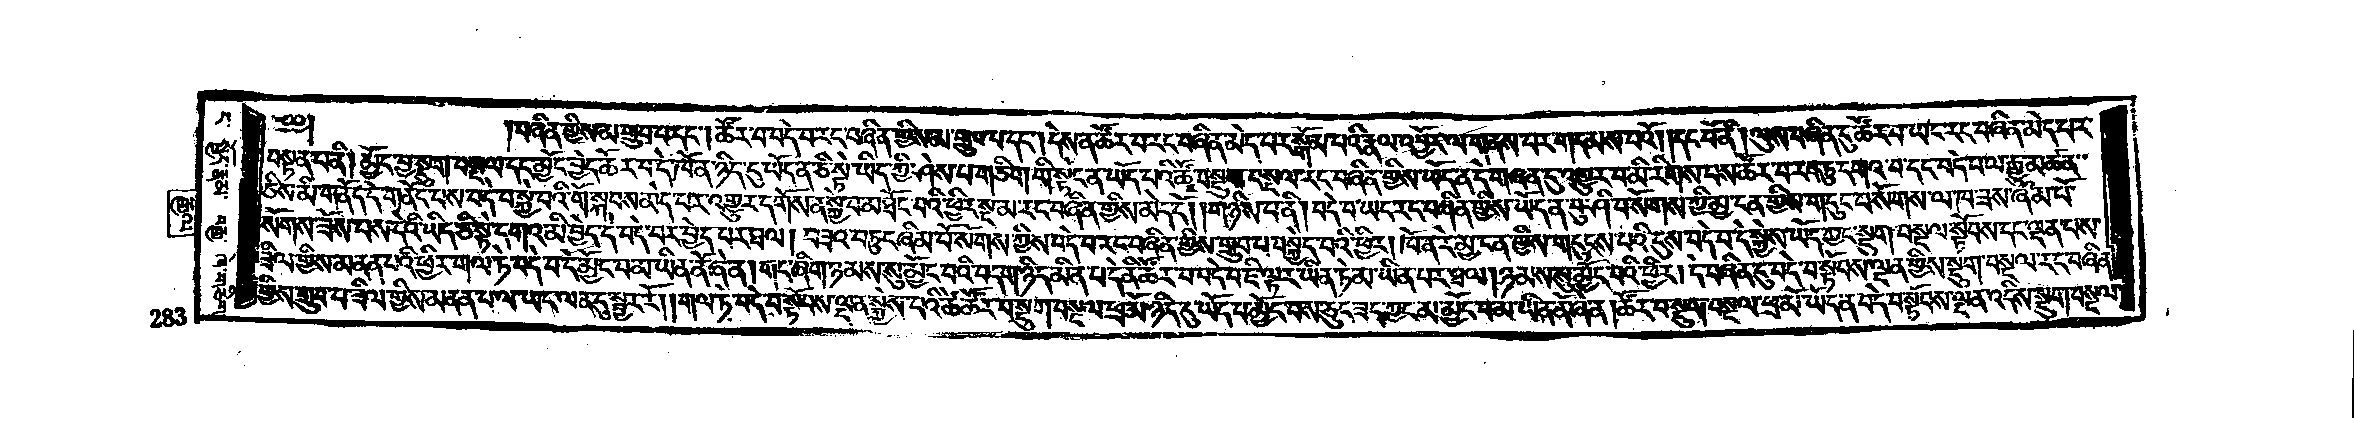༄༅། །བཞིན་གྱིས་མ་གྲུབ་པ་དང་། ཚོར་བ་བདེ་བ་དང་རང་བཞིན་གྱིས་མ་གྲུབ་པ་དང་། དེས་ན་ཚོར་བ་རང་བཞིན་མེད་པར་སྒོམ་པའི་རྣལ་འབྱོར་ལ་གནས་པར་གདམས་པའོ། །དང་པོ་ནི། ལུས་བཞིན་དུ་ཚོར་བ་ཡང་རང་བཞིན་མེད་པར་
བསྟན་པ་ནི། མྱོང་བྱ་བསྔལ་དང་མྱོང་བྱེད་ཚོར་བ་དེ་ཁོ་ན་ཉིད་དུ་ཡོད་ན་ཅི་སྟེ་ཡིད་ཀྱི་ཤེས་པ་གཅིག་གི་སྟེང་ན་ཡོད་པའི་ཚོ་བ་སྡུག་བསྔལ་རང་བཞིན་གྱིས་ཡོད་ན་དེ་གཞན་དུ་འགྱུར་བ་མི་རིགས་པས་ཚོར་བ་རབ་ཏུ་དགའ་བ་དང་བདེ་བ་ལ་རྒྱུ་མཚན་
ཅིས་མི་གནོད་དེ་གནོད་པས་བདེ་བ་སྐྱེ་བའི་གོ་སྐབས་མེད་པར་འགྱུར་དགོས་ན་སྐྱེ་བ་མཐོང་བའི་ཕྱིར་སྔ་མ་རང་བཞིན་གྱིས་མེད་དོ། །གཉིས་པ་ནི། བདེ་བ་ཡང་རང་བཞིན་གྱིས་ཡོད་ན་བུ་ཤི་བ་སོགས་ཀྱི་མྱ་ངན་གྱིས་གདུང་བ་སོགས་ལ་ཁ་ཟས་ཞིམ་པོ་
སོགས་ཟོས་པས་དེའི་ཡིད་ཅི་སྟེ་དགའ་མི་བྱེད་དེ་བདེ་བར་བྱེད་པར་ཐལ། བཟའ་བཏུང་ཞིམ་པོ་སོགས་ཀྱིས་བདེ་བ་རང་བཞིན་གྱིས་གྲུབ་པ་བསྐྱེད་པའི་ཕྱིར། ཁོ་ན་རེ་མྱ་ངན་གྱིས་གདུངས་པའི་དུས་བདེ་བ་དེས་སྐྱེས་ཡོད་ཀྱང་སྡུག་བསྔལ་སྟོབས་དང་ལྡན་པས་
ཟིལ་གྱིས་མནན་པའི་ཕྱིར་གལ་ཏེ་བདེ་བ་དེ་མྱོང་བ་མ་ཡིན་ནོ་ཞེ་ན། གང་ཞིག་ཉམས་སུ་མྱོང་བའི་བདག་ཉིད་མིན་པ་དེ་ནི་ཚོར་བ་བདེ་བ་ཇི་ལྟར་ཡིན་ཏེ་མ་ཡིན་པར་ཐལ། ཉམས་སུ་མྱོང་བའི་ཕྱིར། དེ་བཞིན་དུ་བདེ་བ་སྟོབས་ལྡན་གྱིས་སྡུག་བསྔལ་རང་བཞིན་
གྱིས་གྲུབ་པ་ཟིལ་གྱིས་མནན་པ་ལ་ཡང་ལན་དུ་སྦྱར་རོ། །གལ་ཏེ་བདེ་བ་སྟོབས་ལྡན་སྐྱེས་པའི་ཚེ་ཚོར་བ་སྡུག་བསྔལ་ཕྲ་མོ་ཉིད་དུ་ཡོད་པ་མྱོང་བས་ཅུང་ཟད་ཀྱང་མ་མྱོང་བ་མ་ཡིན་ནོ་ཞེ་ན། ཚོར་བ་སྡུག་བསྔལ་ཕྲ་མོ་ཡོད་ན་བདེ་བ་སྟོབས་ལྡན་འདིས་སྡུག་བསྔལ་